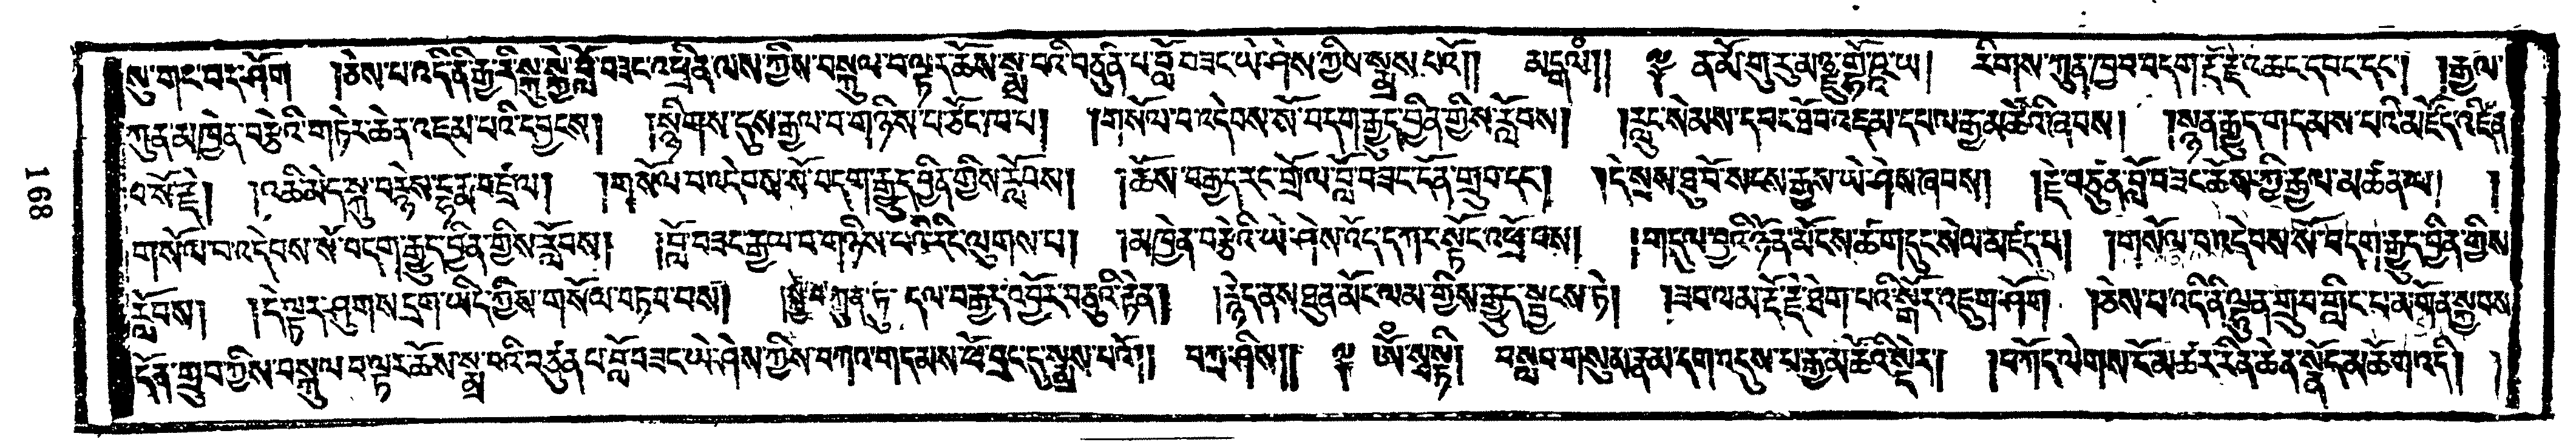སུ་གང་བར་ཤོག །ཅེས་པ་འདི་ནི་རྒྱ་རི་སྐུ་སྐྱེ་བློ་བཟང་འཕྲིན་ལས་ཀྱིས་བསྐུལ་བ་ལྟར་ཆོས་སྨྲ་བའི་བཙུན་པ་བློ་བཟང་ཡེ་ཤེས་ཀྱིས་སྨྲས་པའོ།། མངྒལཾ།། ༈ ན་མོ་གུ་རུ་མཉྫུ་གྷོ་ཥཱ་ཡ། རིགས་ཀུན་ཁྱབ་བདག་རྡོ་རྗེ་འཆང་དབང་དང་། །རྒྱལ་
ཀུན་མཁྱེན་བརྩེའི་གཏེར་ཆེན་འཇམ་པའི་དབྱངས། །སྙིགས་དུས་རྒྱལ་བ་གཉིས་པ་ཙོང་ཁ་པ། །གསོལ་བ་འདེབས་སོ་བདག་རྒྱུད་བྱིན་གྱིས་རློབས། །རླུང་སེམས་དབང་ཐོབ་འཇམ་དཔལ་རྒྱ་མཚོའི་ཞབས། །སྙན་རྒྱུད་གདམས་པའི་མཛོད་འཛིན་
བ་སོ་རྗེ། །འཆི་མེད་སྐུ་བརྙེས་དྷརྨ་བཛྲ་ལ། །གསོལ་བ་འདེབས་སོ་བདག་རྒྱུད་བྱིན་གྱིས་རློབས། །ཆོས་བརྒྱད་རང་གྲོལ་བློ་བཟང་དོན་གྲུབ་དང་། །དེ་སྲས་ཐུ་བོ་སངས་རྒྱས་ཡེ་ཤེས་ཞབས། །རྗེ་བཙུན་བློ་བཟང་ཆོས་ཀྱི་རྒྱལ་མཚན་ལ། །
གསོལ་བ་འདེབས་སོ་བདག་རྒྱུད་བྱིན་གྱིས་རློབས། །བློ་བཟང་རྒྱལ་བ་གཉིས་པའི་རིང་ལུགས་པ། །མཁྱེན་བརྩེའི་ཡེ་ཤེས་འོད་དཀར་སྟོང་འཕྲོ་བས། །གདུལ་བྱའི་ཉོན་མོངས་ཚ་གདུང་སེལ་མཛད་པ། །གསོལ་བ་འདེབས་སོ་བདག་རྒྱུད་བྱིན་གྱིས་
རློབས། །དེ་ལྟར་ཤུགས་དྲག་ཡིད་ཀྱིས་གསོལ་བཏབ་བས། །སྐྱེ་བ་ཀུན་ཏུ་དལ་བརྒྱད་འབྱོར་བཅུའི་རྟེན། །རྙེད་ནས་ཐུན་མོང་ལམ་གྱིས་རྒྱུད་སྦྱངས་ཏེ། །ཟབ་ལམ་རྡོ་རྗེ་ཐེག་པའི་སྒོར་འཇུག་ཤོག །ཅེས་པ་འདི་ནི་ལྷུན་གྲུབ་གླིང་པ་མགོན་སྐྱབས་
དོན་གྲུབ་ཀྱིས་བསྐུལ་བ་ལྟར་ཆོས་སྨྲ་བའི་བཙུན་པ་བློ་བཟང་ཡེ་ཤེས་ཀྱིས་བཀའ་གདམས་ཕོ་བྲང་དུ་སྨྲས་པའོ།། བཀྲ་ཤིས།། ༈ ཨོཾ་སྭསྟི། བསླབ་གསུམ་རྣམ་དག་འདུས་པ་རྒྱ་མཚོའི་སྡེར། །བཀོད་ལེགས་ངོ་མཚར་རིན་ཆེན་སྣོད་མཆོག་འདི། །